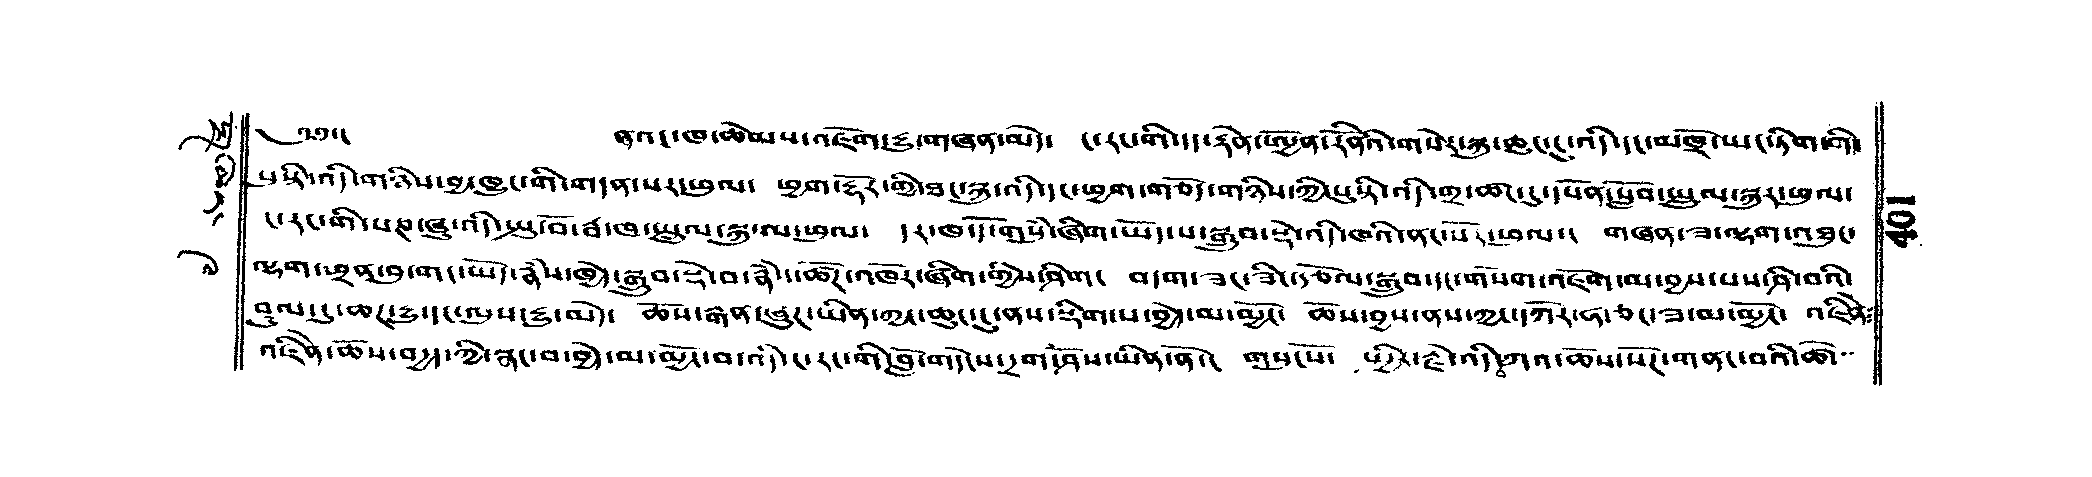ནའང་ཁ་ཆེམས་འཇོག་རྒྱུ་གཞན་མེད། ང་རང་གི་དད་རྟེན་ཨོ་རྒྱན་རིན་པོ་ཆེའི་གསེར་སྐུ་ཆུང་ངུ་འདི་དང་མཁའ་འགྲོ་ཡང་ཏིག་གི་
པུ་སྟི་འདི་གཉིས་བྱ་ཁྱུང་གི་གདན་སར་ཕུལ། ཕྱག་རྡོར་གྱི་ཐང་སྐུ་འདི་དང་ཕྱག་གཅོད་གཉིས་ཀྱི་པུ་སྟི་འདི་གྲྭ་ཚང་དུ་དཔོན་སློབ་སྤྲུལ་སྐུ་ཕུལ། 
ང་རང་གི་པཎ་ཞུ་འདི་སྤུ་བོ་རྦ་ཁ་སྤྲུལ་སྐུ་ལ་ཕུལ། དར་ཁ་དོ་གསུམ་ཞིག་ཡོད་པ་སྒྲུབ་སྡེ་འདི་ཁའི་ནང་སོར་ཕུལ། གཞན་ཟ་ལྷག་འཐུང་
ལྷག་ཕྲན་བུ་གང་ཡོད་རྣམས་ཁྱེད་སྒྲུབ་སྡེ་བ་རྣམས་དང་ཚོགས་འཁོར་ཞིག་གྱིས་ཤིག བདག་ཟང་ཟིང་རྩོལ་སྒྲུབ་དང་གསོག་འཇོག་མ་བྱས་པས་ཤི་བའི་
ཤུལ་དུ་ཆགས་རྒྱུ་དང་ལུས་རྒྱུ་མེད། ཆོས་རྒན་ཞུགས་ཡིན་ཀྱང་ཆུང་ངུ་ནས་སྡིག་པ་བྱེད་མ་མྱོང་། ཆོས་བྱས་ནས་ཀྱང་དཀོར་ཧ་ཅང་ཟ་མ་མྱོང་། འཇིག་རྟེན་
འཇིག་རྟེན་ཆོས་བརྒྱད་ཀྱི་སྣང་བ་བྱེད་མ་མྱོང་བ་འདི་ང་རང་གི་བློ་གདེང་དྲག་ཤོས་ཡིན་ནོ། གསུངས་སོ། སྤྱིར་རྗེ་འདི་བཀའ་ཆོས་སོགས་གནང་བའི་ཚེ་